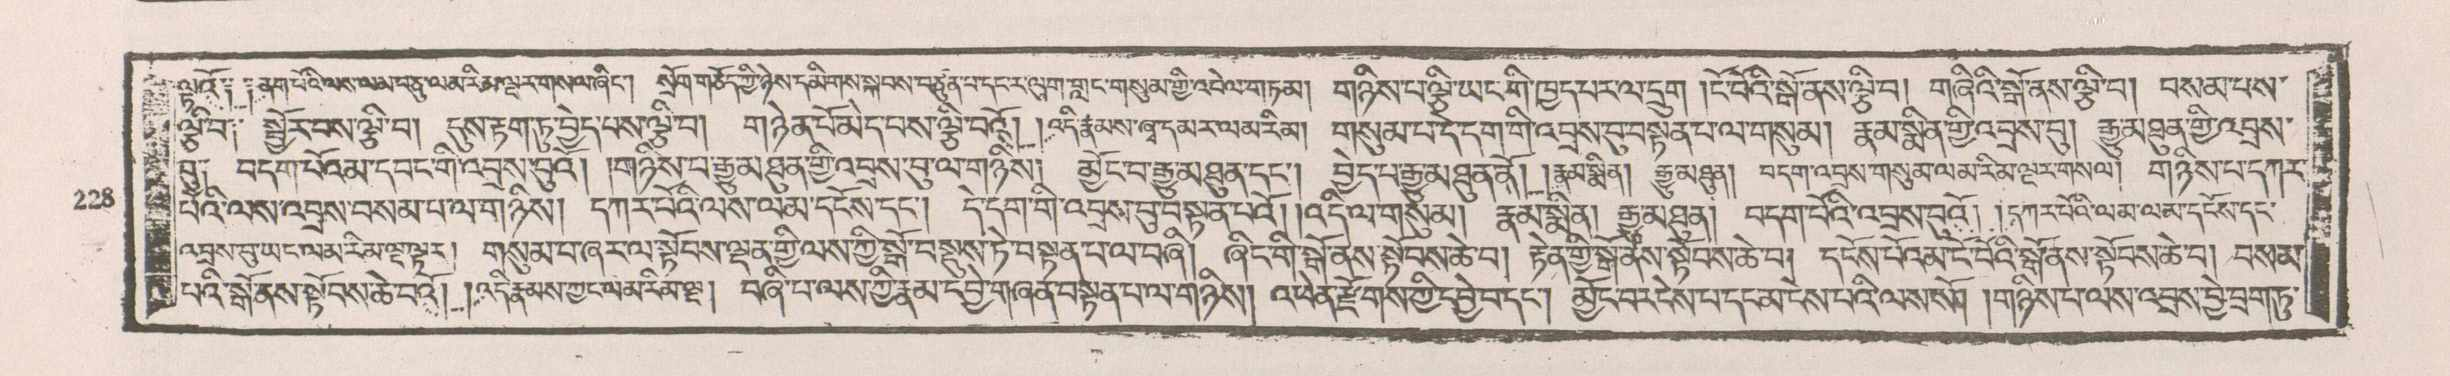ལྟའོ༑ ༑ ནག་པོའི་ལས་ལམ་བཅུ་ལམ་རིམ་ལྔར་གསལ་ཞིང་། སྲོག་གཅོད་ཀྱི་ཉེས་དམིགས་སྐབས་བཙུན་པ་དང་ར་ལུག་གླང་གསུམ་གྱི་འབེལ་གཏམ།  གཉིས་པ་ལྕི་ཡང་གི་ཁྱད་པར་ལ་དྲུག །ངོ་བོའི་སྒོ་ནས་ལྕི་བ། གཞིའི་སྒོ་ནས་ལྕི་བ། བསམ་པས་
ལྕི་བ༑ སྦྱོར་བས་ལྕི་བ། དུས་རྟག་ཏུ་བྱེད་པས་ལྕི་བ། གཉེན་པོ་མེད་པས་ལྕི་བའོ། ། འདི་རྣམས་ཞྭ་དམར་ལམ་རིམ།  གསུམ་པ་དེ་དག་གི་འབྲས་བུ་བསྟན་པ་ལ་གསུམ། རྣམ་སྨིན་གྱི་འབྲས་བུ། རྒྱུ་མཐུན་གྱི་འབྲས་
བུ༑ བདག་པོའམ་དབང་གི་འབྲས་བུའོ། །གཉིས་པ་རྒྱུ་མཐུན་གྱི་འབྲས་བུ་ལ་གཉིས། མྱོང་བ་རྒྱུ་མཐུན་དང་། བྱེད་པ་རྒྱུ་མཐུན་ནོ། ། རྣམ་སྨིན། རྒྱུ་མཐུན། བདག་འབྲས་གསུམ་ལམ་རིམ་ལྔར་གསལ།  གཉིས་པ་དཀར་
པོའི་ལས་འབྲས་བསམ་པ་ལ་གཉིས། དཀར་པོའི་ལས་ལམ་དངོས་དང་། དེ་དག་གི་འབྲས་བུ་བསྟན་པའོ། །འདི་ལ་གསུམ། རྣམ་སྨིན། རྒྱུ་མཐུན། བདག་པོའི་འབྲས་བུའོ། ། དཀར་པོའི་ལམ་ལམ་དངོས་དང
འབྲས་བུ་ཡང་ལམ་རིམ་ལྔ་ལྟར།  གསུམ་པ་ཞར་ལ་སྟོབས་ལྡན་གྱི་ལས་ཀྱི་སྒོ་བསྡུས་ཏེ་བསྟན་པ་ལ་བཞི། ཞིང་གི་སྒོ་ནས་སྟོབས་ཆེ་བ། རྟེན་གྱི་སྒོ་ནས་སྟོབས་ཆེ་བ། དངོས་པོའམ་ངོ་བོའི་སྒོ་ནས་སྟོབས་ཆེ་བ། བསམ་
པའི་སྒོ་ནས་སྟོབས་ཆེ་བའོ། ། འདི་རྣམས་ཀྱང་ལམ་རིམ་ལྔ།  བཞི་ལ་ལས་ཀྱི་རྣམ་དབྱེ་གཞན་བསྟན་པ་ལ་གཉིས། འཕེན་རྫོགས་ཀྱི་དབྱེ་བ་དང་། མྱོང་བར་ངེས་པ་དང་མ་ངེས་པའི་ལས་སོ། །གཉིས་པ་ལས་འབྲས་བྱེ་བྲག་ཏུ་